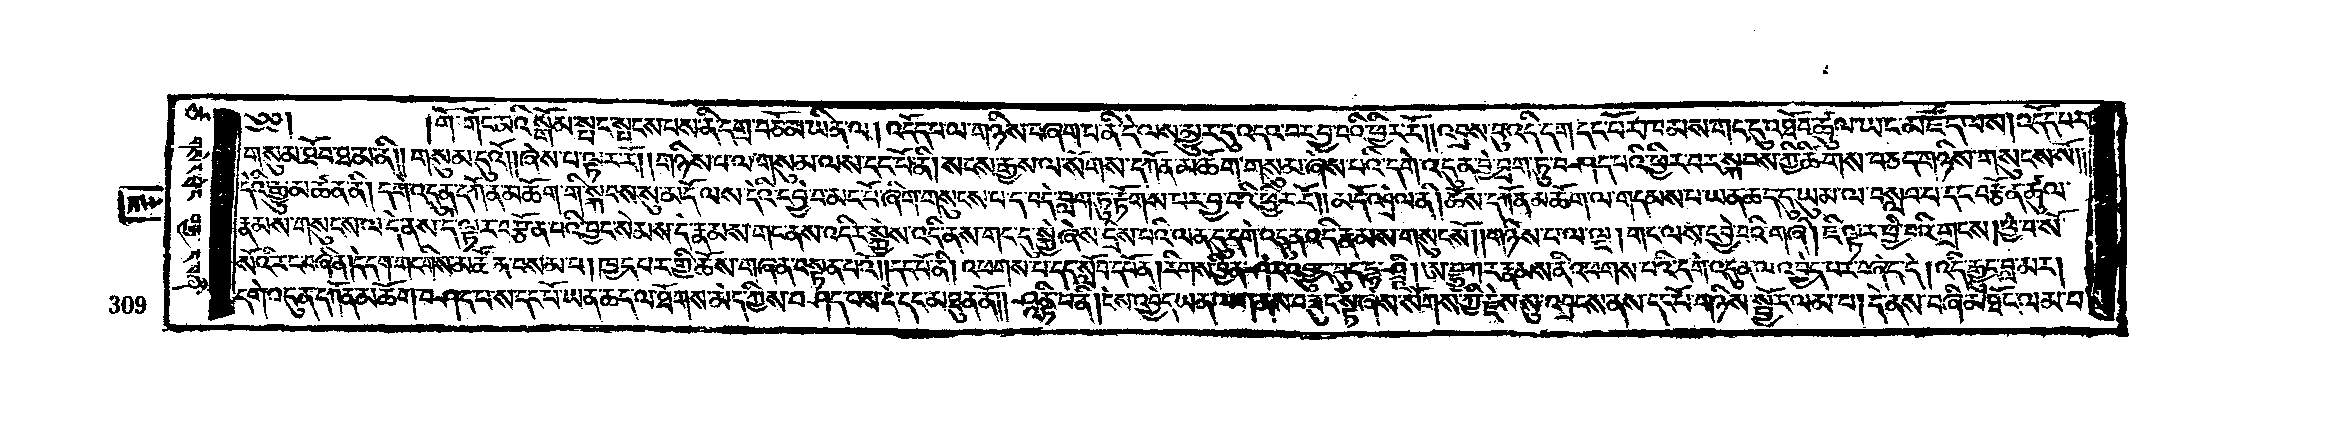༄༅། །གོ །གོང་མའི་སྒོམ་སྤང་སྤངས་པས་ནི་དགྲ་བཅོམ་ཡིན་ལ། འདོད་པ་ལ་གཉིས་བཞག་པ་ནི་དེ་ལས་མྱུར་དུ་འདའ་བར་བྱ་བའི་ཕྱིར་རོ། །འབྲས་བུ་འདི་དག་དང་པོར་ཁམས་གང་དུ་འཐོབ་ཚུལ་ཡང་མཛོད་ལས། འདོད་པར་
གསུམ་ཐོབ་ཐ་མ་ནི། །གསུམ་དུའོ། །ཞེས་པ་ལྟར་རོ། །གཉིས་པ་ལ་གསུམ་ལས་དང་པོ་ནི། སངས་རྒྱས་ལ་སོགས་དཀོན་མཆོག་གསུམ་ཞེས་པའི་དགེ་འདུན་བྱེ་བྲག་ཏུ་བཤད་པའི་ཕྱིར་བར་སྐབས་ཀྱི་ཚིགས་བཅད་གཉིས་གསུངས་སོ།།
དེའི་རྒྱུ་མཚན་ནི། དགེ་འདུན་དཀོན་མཆོག་གི་སྐབས་སུ་མདོ་ལས་དེའི་དབྱེ་བ་མང་པོ་ཞིག་གསུངས་པ་དེ་བདེ་བླག་ཏུ་རྟོགས་པར་བྱ་བའི་ཕྱིར་རོ། །མདོ་འབྲེལ་ནི། ཆོས་དཀོན་མཆོག་ལ་གདམས་པ་ཡན་ཆད་དུ་ཡུམ་ལ་བསླབ་པ་དང་བརྩོན་ཚུལ་
རྣམས་གསུངས་ལ་དེ་ནས་དེ་ལྟར་བརྩོན་པའི་བྱང་སེམས་དེ་རྣམས་གང་ནས་འདིར་སྐྱེས་འདི་ནས་གང་དུ་སྐྱེ་ཞེས་དྲིས་པའི་ལན་དུ་དགེ་འདུན་འདི་རྣམས་གསུངས་སོ། །གཉིས་པ་ལ་ལྔ། གང་ལས་དབྱེ་བའི་གཞི། ཇི་ལྟར་ཕྱེ་བའི་གྲངས། ཕྱེ་བ་སོ་
སོའི་རང་བཞིན། དེ་དག་གང་གིས་མཚོན་བསམ་པ། ཁྱད་པར་གྱི་ཆོས་གཞན་བསྟན་པའོ། །དང་པོ་ནི། འཕགས་པ་དང་སློབ་དཔོན། རིགས་བྱིན་ཤེར་འབྱུང་བུད་དྷ་ཤྲཱི། ཨ་བྷྱ་ཀ་ར་རྣམས་ནི་འཕགས་པའི་དགེ་འདུན་ལ་འབྱེད་པར་བཞེད་དེ། འདི་རྒྱུད་བླ་མར།
དགེ་འདུན་དཀོན་མཆོག་བཤད་པ་ས་དང་པོ་ཡན་ཆད་ལ་ཐོགས་མེད་ཀྱིས་བཤད་པས་དེ་དང་མཐུན་ནོ། །ཤཱནྟི་པ་ནི། ངེས་འབྱེད་ཡན་ལག་ནས་བཟུང་སྟེ་ཞེས་སོགས་ཀྱི་རྗེས་སུ་འབྲངས་ནས་དང་པོ་གཉིས་སྦྱོར་ལམ་པ། དེ་ནས་བཞི་མཐོང་ལམ་པ་